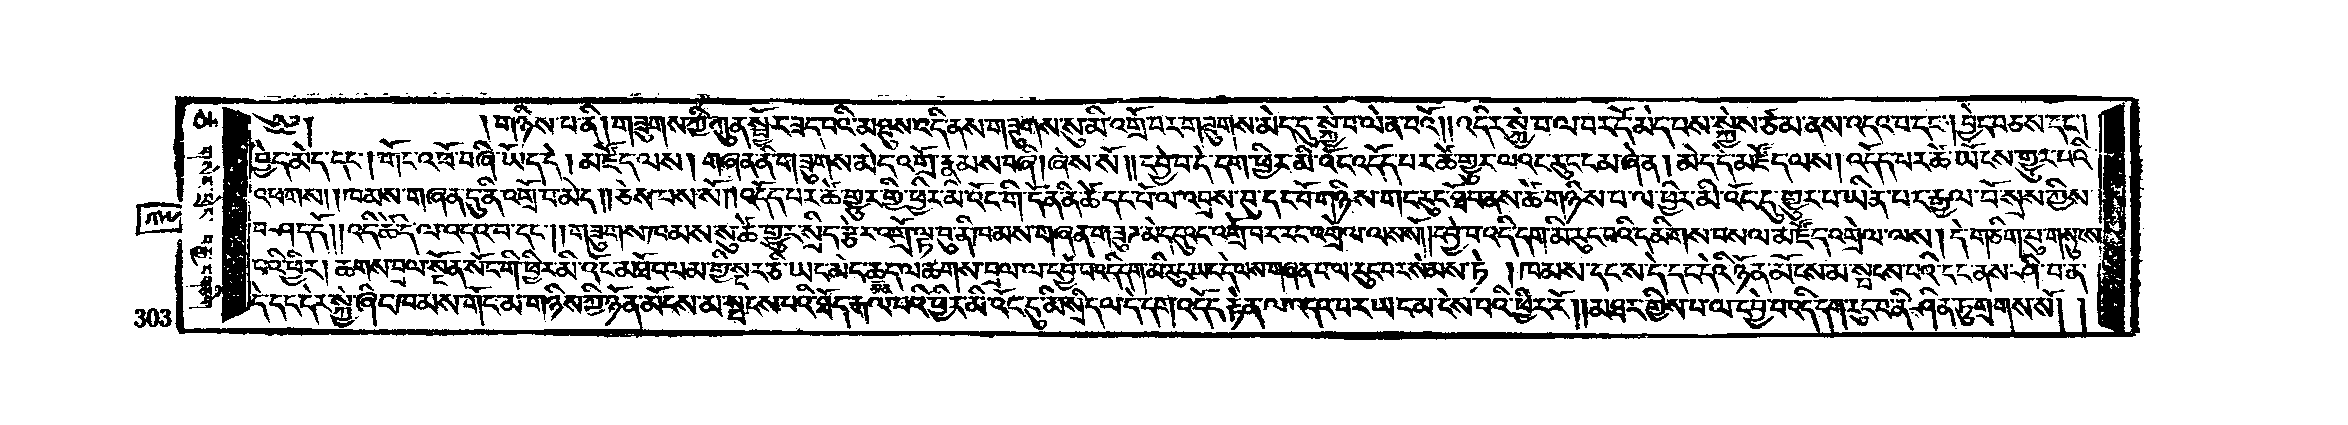༄༅། །གཉིས་པ་ནི། གཟུགས་ཀྱི་ཀུན་སྦྱོར་ཟད་པའི་མཐུས་འདི་ནས་གཟུགས་སུ་མི་འགྲོ་བར་གཟུགས་མེད་དུ་སྐྱེ་བ་ལེན་པའོ། །འདིར་སྐྱེ་བ་ལ་བར་དོ་མེད་པས་སྐྱེས་ཙམ་ནས་འདའ་བ་དང་། བྱེད་བཅས་དང་།
བྱེད་མེད་དང་། གོང་འཕོ་བཞི་ཡོད་དེ། མཛོད་ལས། གཞན་ནི་གཟུགས་མེད་འགྲོ་རྣམས་བཞི། ཞེས་སོ། །དབྱེ་བ་དེ་དག་ཕྱིར་མི་འོང་འདོད་པར་ཚེ་གྱུར་ལའང་རུང་ངམ་ཞེ་ན། མེད་དེ་མཛོད་ལས། འདོད་པར་ཚེ་ཡོངས་གྱུར་བའི་
འཕགས། །ཁམས་གཞན་དུ་ནི་འགྲོ་བ་མེད། །ཅེས་པས་སོ། །འདོད་པར་ཚེ་གྱུར་གྱི་ཕྱིར་མི་འོང་གི་དོན་ནི་ཚེ་དང་པོ་ལ་འབྲས་བུ་དང་པོ་གཉིས་གང་རུང་ཐོབ་ནས་ཚེ་གཉིས་པ་ལ་ཕྱིར་མི་འོང་དུ་གྱུར་པ་ཡིན་པར་རྒྱལ་པོ་སྲས་ཀྱིས་
བཤད་དོ། །འདི་ཚེ་དེ་ལ་འདའ་བ་དང་། །གཟུགས་ཁམས་སུ་ཚེ་གྱུར་སྲིད་རྩེར་འགྲོ་ལྟ་བུ་ནི་ཁམས་གཞན་གཟུགས་མེད་དུའང་འགྲོ་བར་རང་འགྲེལ་ལས་སོ། །དབྱེ་བ་འདི་དག་མི་རུང་བའི་དམིགས་བསལ་མཛོད་འགྲེལ་ལས། དེ་གཅིག་པུ་གསུངས་
པའི་ཕྱིར། ཆགས་བྲལ་སྔོན་སོང་གི་ཕྱིར་མི་འོང་མཐོང་ལམ་གྱི་སྔར་ཅི་ཡང་མེད་མན་ཆད་ལ་ཆགས་བྲལ་ལ་དབྱེ་བ་འདི་དག་མི་རུང་ཡང་དེ་ལས་གཞན་པ་ལ་རུང་བར་སེམས་ཏེ། ཁམས་དང་ས་དེ་དང་དེའི་ཉོན་མོངས་མ་སྤངས་པའི་ངང་ནས་ཤི་བ་ན་
དེ་དང་དེར་སྐྱེ་ཞིང་ཁམས་གོང་མ་གཉིས་ཀྱི་ཉོན་མོངས་མ་སྤངས་པའི་ཐོད་རྒལ་བའི་ཕྱིར་མི་འོང་དུ་མི་སྲིད་ལ་དེ་དག་འདོད་རྟེན་ལ་འདའ་བར་ཡང་མ་ངེས་པའི་ཕྱིར་རོ། །མཐར་གྱིས་པ་ལ་དབྱེ་བ་འདི་དག་རུང་བ་ནི་ཤིན་ཏུ་གྲགས་སོ། །